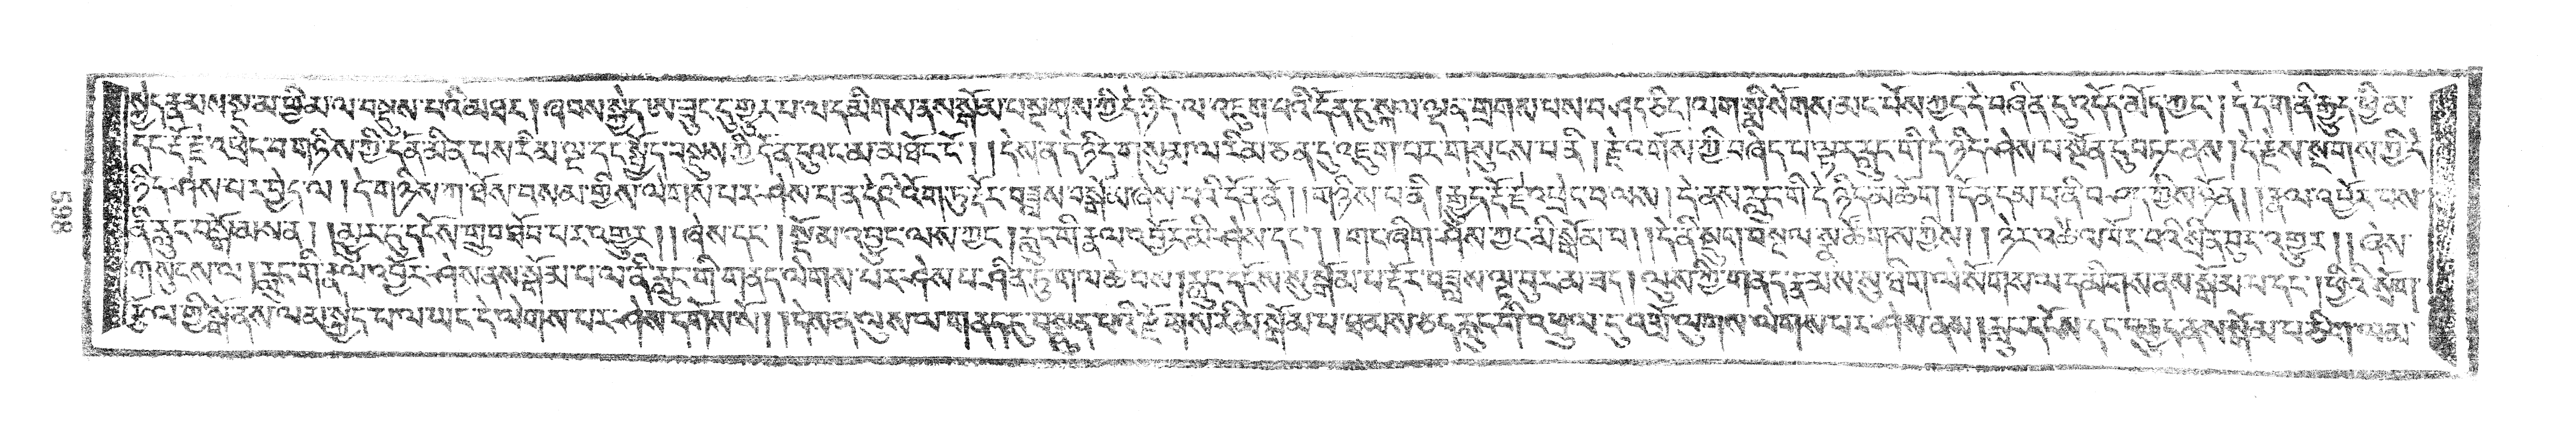སྐྱེད་རྣམས་སྔ་མ་ཕྱི་མ་ལ་བསྡུས་པའི་མཐར། ཞབས་སྐྱེད་ཨ་ཐུང་དུ་གྱུར་པ་ལ་དམིགས་ནས་སྒོམ་པ་སྔགས་ཀྱི་དེ་ཉིད་ལ་འཇུག་པའི་དོན་དུ་སྐལ་ལྡན་གྲགས་པས་བཤད་ཅིང་།ལག་སྨི་སོགས་མང་པོས་ཀྱང་དེ་བཞིན་དུ་འདོད་མོད་ཀྱང་། དེ་དག་ནི་རྒྱུད་ཕྱི་མ་
དང་རྡོ་རྗེ་འཕྲེང་བ་གཉིས་ཀྱི་དོན་མིན་པས་རིམ་ལྔ་དང་སྤྱོད་བསྡུས་ཀྱི་དོན་དུའང་མ་མཐོང་ངོ། །དེས་ན་དེ་ཉིད་གསུམ་ལ་རིམ་ཅན་དུ་འཇུག་པར་གསུངས་པ་ནི། རྗེ་འགོས་ཀྱི་བཞེད་པ་ལྟར་རླུང་གི་དེ་ཉིད་ཤེས་པ་སྔོན་དུ་བཏང་ནས། དེ་རྗེས་སྔགས་ཀྱི་དེ་
ཉིད་ཤེས་པར་བྱེད་ལ། དེ་གཉིས་ཀ་ཐོས་བསམ་གྱིས་ལེགས་པར་ཤེས་པ་ན་དེའི་འོག་ཏུ་རྡོར་བཟླས་བསྒོམ་ཞེས་པའི་དོན་ནོ། །གཉིས་པ་ནི། རྒྱུད་རྡོ་རྗེ་འཕྲེང་བ་ལས། དེ་ནས་རླུང་གི་དེ་ཉིད་མཆོག །དོན་དམ་པ་ནི་བཤད་ཀྱིས་ཉོན། །རྣལ་འབྱོར་བས་
ནི་རླུང་བསྒོམས་ན། །མྱུར་དུ་དངོས་གྲུབ་ཐོབ་པར་འགྱུར། །ཞེས་དང་། སྡོམ་འབྱུང་ལས་ཀྱང་། རླུང་གི་རྣལ་འབྱོར་མི་ཤེས་དང་། །གང་ཞིག་ཤེས་ཀྱང་མི་སྒོམ་པ། །དེ་ནི་སྡུག་བསྔལ་སྣ་ཚོགས་ཀྱིས། །ཉེར་འཚེ་འཁོར་བའི་སྲིན་བུར་འགྱུར། །ཞེས་
གསུངས་ལ། རླུང་གི་རྣལ་འབྱོར་ཤེས་ནས་སྒོམ་པ་ལ་ནི་རླུང་གི་གནད་ལེགས་པར་ཤེས་པ་ཤིན་ཏུ་གལ་ཆེ་བས། རླུང་དངོས་སུ་སྒོམ་པ་རྡོར་བཟླས་ལྟ་བུར་མ་ཟད། ལུས་ཀྱི་གནད་རྣམས་སུ་ཐིག་ལེ་སོགས་ལ་དམིགས་ནས་སྒོམ་པ་དང་། ཕྱིའི་སྲོག་
རྩོལ་གྱི་སྒོ་ནས་ལམ་སྐྱེད་པ་ལ་ཡང་དེ་ལེགས་པར་ཤེས་དགོས་སོ། །དེས་ན་ལུས་ལ་གནད་དུ་བསྣུན་པའི་རྫོགས་རིམ་སྒོམ་པ་ཐམས་ཅད་རླུང་གི་འཕྲུལ་དུ་འགྲོ་ལུགས་ལེགས་པར་ཤེས་ནས། རླུང་དངོས་དང་བརྒྱུད་ནས་སྒོམ་པ་ཅིག་ལམ་